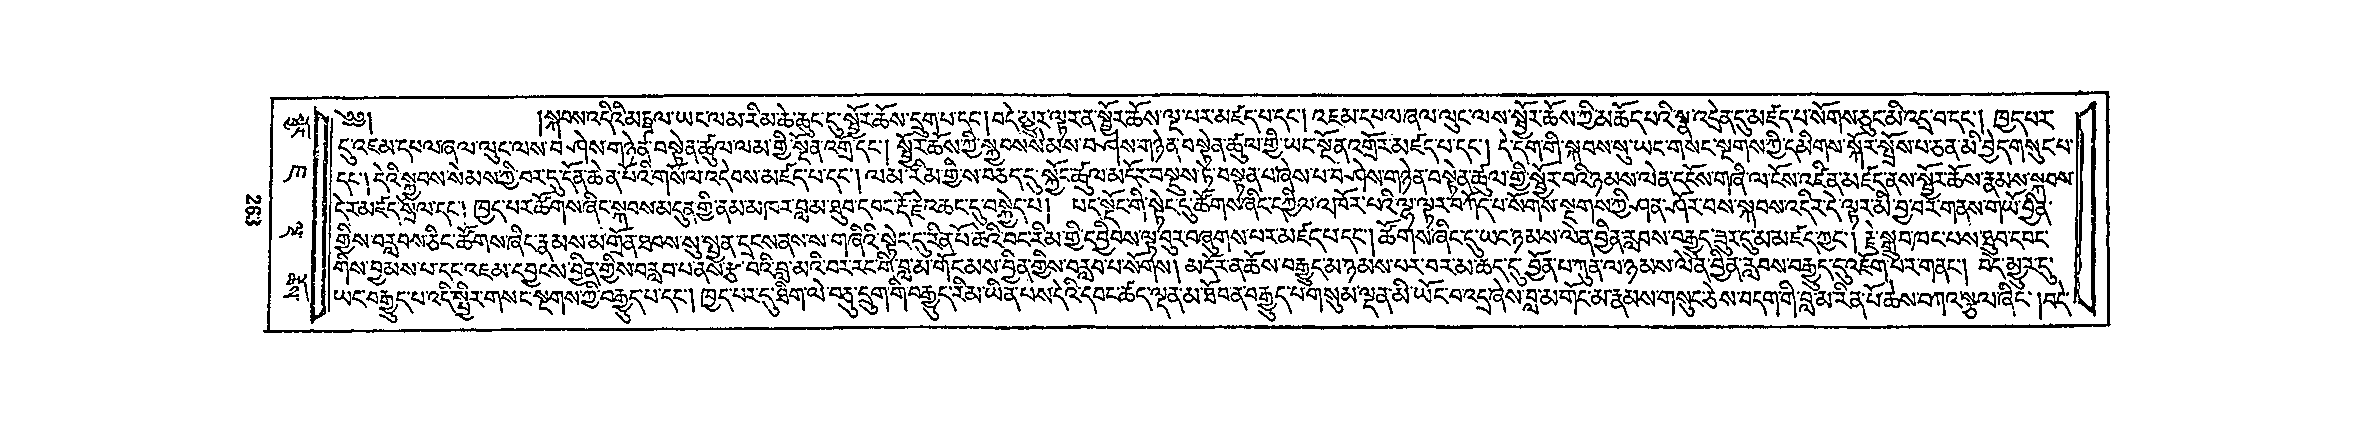༄༅། །སྐབས་འདིའི་མཎྜལ་ཡང་ལམ་རིམ་ཆེ་ཆུང་དུ་སྦྱོར་ཆོས་དྲུག་པ་དང་། བདེ་མྱུར་ལྟར་ན་སྦྱོར་ཆོས་ལྔ་པར་མཛད་པ་དང་། འཇམ་དཔལ་ཞལ་ལུང་ལས་སྦྱོར་ཆོས་ཀྱི་མཆོད་པའི་སྣ་འདྲེན་དུ་མཛད་པ་སོགས་ཅུང་མི་འདྲ་བ་དང་། ཁྱད་པར་
དུ་འཇམ་དཔལ་ཞལ་ལུང་ལས་བཤེས་གཉེན་བསྟེན་ཚུལ་ལམ་གྱི་སྔོན་འགྲོ་དང་། སྦྱོར་ཆོས་ཀྱི་སྐྱབས་སེམས་བཤེས་གཉེན་བསྟེན་ཚུལ་གྱི་ཡང་སྔོན་འགྲོར་མཛད་པ་དང་། དེ་དག་གི་སྐབས་སུ་ཡང་གསང་སྔགས་ཀྱི་དམིགས་སྐོར་སྤྲོས་པ་ཅན་མི་བྱེད་གསུང་པ་
དང་། དེའི་སྐྱབས་སེམས་ཀྱི་བར་དུ་དོན་ཆེན་པོའི་གསོལ་འདེབས་མཛད་པ་དང་། ལམ་རིམ་གྱི་ས་བཅད་དུ་སྐྱོང་ཚུལ་མདོར་བསྡུས་ཏེ་བསྟན་པ་ཞེས་པ་བཤེས་གཉེན་བསྟེན་ཚུལ་གྱི་སྦྱོར་བའི་ཉམས་ལེན་དངོས་གཞི་ལ་ངོས་འཛིན་མཛད་ནས་སྦྱོར་ཆོས་རྣམས་སྐབས་
དེར་མཛད་སྲོལ་དང་། ཁྱད་པར་ཚོགས་ཞིང་སྐབས་མདུན་གྱི་ནམ་མཁར་བླ་མ་ཐུབ་དབང་རྡོ་རྗེ་འཆང་དུ་བསྐྱེད་པ། པད་སྡོང་གི་སྟེང་དུ་ཚོགས་ཞིང་དཀྱིལ་འཁོར་པའི་ལྷ་ལྟར་བཀོད་པ་སོགས་སྔགས་ཀྱི་ཤན་ཤོར་བས་སྐབས་འདིར་དེ་ལྟར་མི་བྱ་བར་གནས་གཡོ་བྱིན་
གྱིས་བརླབས་ཅིང་ཚོགས་ཞིང་རྣམས་མགྲོན་ཐབས་སུ་སྤྱན་དྲངས་ནས་ས་གཞིའི་སྟེང་དུ་རིན་པོ་ཆེའི་བང་རིམ་གྱི་དབྱིབས་ལྟ་བུར་བཞུགས་པར་མཛད་པ་དང་། ཚོགས་ཞིང་དུ་ཡང་ཉམས་ལེན་བྱིན་རླབས་བརྒྱུད་ཟུར་དུ་མ་མཛད་ཀྱང་། རྗེ་སྒྲུབ་ཁང་པས་ཐུབ་དབང་
གིས་བྱམས་པ་དང་འཇམ་དབྱངས་བྱིན་གྱིས་བརླབ་པ་ནས་རྩ་བའི་བླ་མའི་བར་རང་གི་བླ་མ་གོང་མས་བྱིན་གྱིས་བརླབ་པ་སོགས། མདོར་ན་ཆོས་བརྒྱུད་མ་ཉམས་པར་བར་མ་ཆད་དུ་བྱོན་པ་ཀུན་ལ་ཉམས་ལེན་བྱིན་རླབས་བརྒྱུད་དུ་འཇོག་པར་གནང་། བདེ་མྱུར་དུ་
ཡང་བརྒྱུད་པ་འདི་སྤྱིར་གསང་སྔགས་ཀྱི་བརྒྱུད་པ་དང་། ཁྱད་པར་དུ་ཐིག་ལེ་བཅུ་དྲུག་གི་བརྒྱུད་རིམ་ཡིན་པས་དེའི་དབང་ཚད་ལྡན་མ་ཐོབ་ན་བརྒྱུད་པ་གསུམ་ལྡན་མི་ཡོང་བ་འདྲ་ཞེས་བླ་མ་གོང་མ་རྣམས་གསུང་ཅེས་བདག་གི་བླ་མ་རིན་པོ་ཆེས་བཀའ་སྩལ་ཞིང་། བདེ་